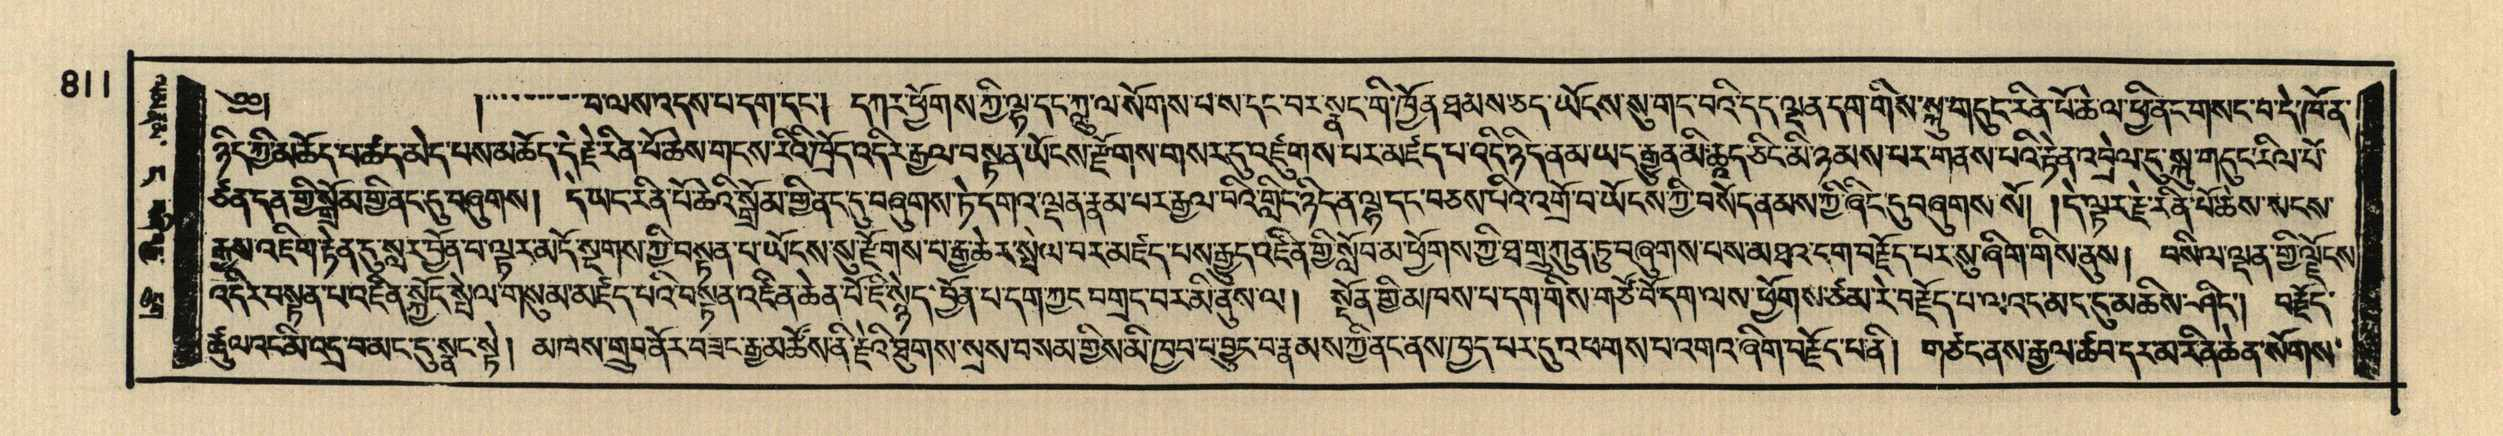༄༅། །བ་ལས་འདས་པ་དག་དང་། དཀར་ཕྱོགས་ཀྱི་ལྷ་དང་ཀླུ་ལ་སོགས་པས་དང་བར་སྣང་གི་ཁྱོན་ཐམས་ཅད་ཡོངས་སུ་གང་བའི་དད་ལྡན་དག་གིས་སྐུ་གདུང་རིན་པོ་ཆེ་ལ་ཕྱི་ནང་གསང་བ་དེ་ཁོ་ན་
ཉིད་ཀྱི་མཆོད་པ་ཚད་མེད་པས་མཆོད་དེ་རྗེ་རིན་པོ་ཆེས་གངས་རིའི་ཁྲོད་འདིར་རྒྱལ་བསྟན་ཡོངས་རྫོགས་གསར་དུ་འཛུགས་པར་མཛད་པ་འདི་ཉིད་ནམ་ཡང་རྒྱུན་མི་འཆད་ཅིང་མི་ཉམས་པར་གནས་པའི་རྟེན་འབྲེལ་དུ་སྐུ་གདུང་རིལ་པོ་
ཙན་དན་གྱི་སྒྲོམ་གྱི་ནང་དུ་བཞུགས། དེ་ཡང་རིན་པོ་ཆེའི་སྒྲོམ་གྱི་ནང་དུ་བཞུགས་ཏེ་དགའ་ལྡན་རྣམ་པར་རྒྱལ་བའི་གླིང་ཉིད་ན་ལྷ་དང་བཅས་པའི་འགྲོ་བ་ཡོངས་ཀྱི་བསོད་ནམས་ཀྱི་ཞིང་དུ་བཞུགས་སོ། །དེ་ལྟར་རྗེ་རིན་པོ་ཆེས་སངས་
རྒྱས་འཇིག་རྟེན་དུ་སླར་བྱོན་པ་ལྟར་མདོ་སྔགས་ཀྱི་བསྟན་པ་ཡོངས་སུ་རྫོགས་པ་རྒྱ་ཆེར་སྤེལ་བར་མཛད་པས་རྒྱུད་འཛིན་གྱི་སློབ་མ་ཕྱོགས་ཀྱི་ཐ་གྲུ་ཀུན་ཏུ་བཞུགས་པས་མཐའ་དག་བརྗོད་པར་སུ་ཞིག་གིས་ནུས། བསིལ་ལྡན་གྱི་ལྗོངས་
འདིར་བསྟན་པ་འཛིན་སྐྱོང་སྤེལ་གསུམ་མཛད་པའི་བསྟན་འཛིན་ཆེན་པོ་ཇི་སྙེད་བྱོན་པ་དག་ཀྱང་བགྲང་བར་མི་ནུས་ལ། སྔོན་གྱི་མཁས་པ་དག་གིས་གཙོ་བོ་དག་ལས་ཕྱོགས་ཙམ་རེ་བརྗོད་པ་ལའང་མང་དུ་མཆིས་ཤིང་། བརྗོད་
ཚུལ་འང་མི་འདྲ་བ་མང་དུ་སྣང་སྟེ། མཁས་གྲུབ་ནོར་བཟང་རྒྱ་མཚོས་ནི་རྗེའི་ཐུགས་སྲས་བསམ་གྱིས་མི་ཁྱབ་པ་བྱུང་བ་རྣམས་ཀྱི་ནང་ནས་ཁྱད་པར་དུ་འཕགས་པ་འགའ་ཞིག་བརྗོད་པ་ནི། གཙང་ནས་རྒྱལ་ཚབ་དར་མ་རིན་ཆེན་སོགས་